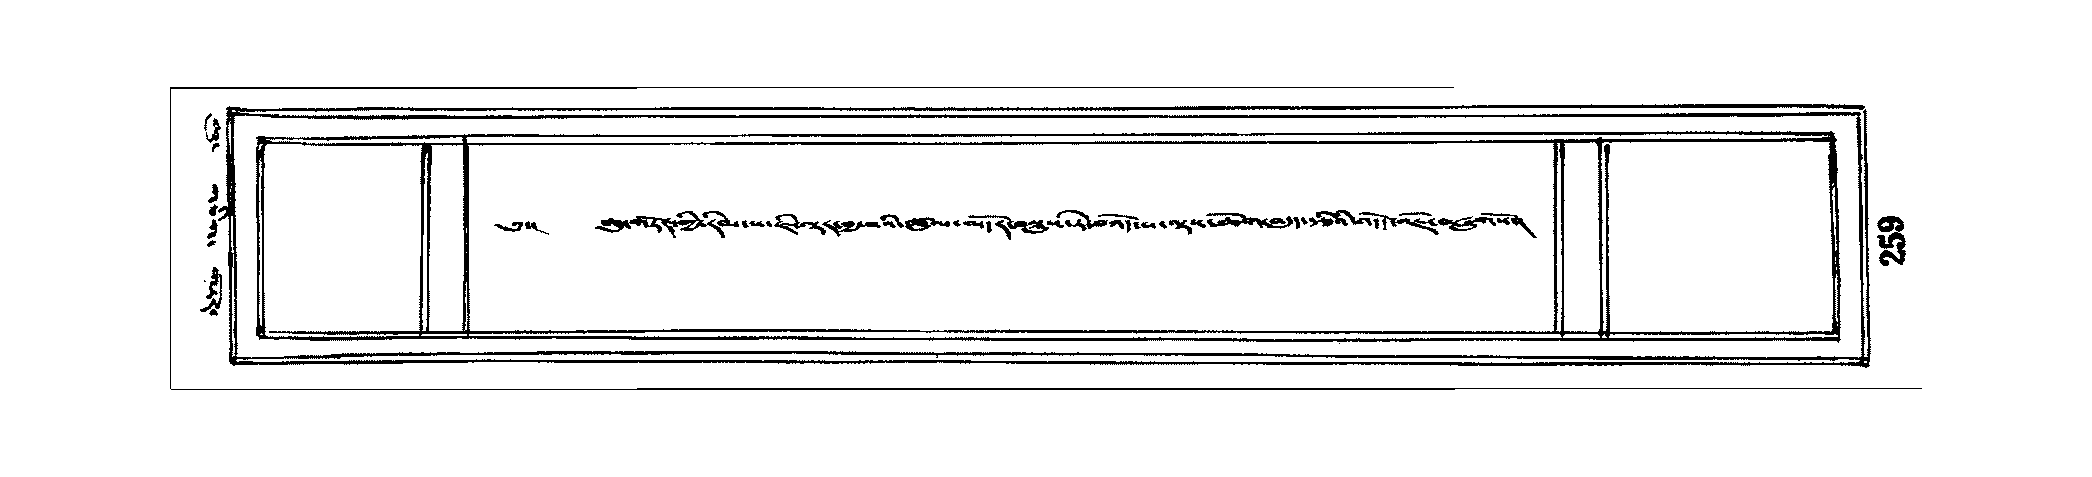༄༅། ཆུ་གཏོར་གྱི་རིམ་པ་ཇི་ལྟར་བྱ་བའི་ཚུལ་མདོར་བསྡུས་ཏེ་བཀོད་པ་ལྟས་ཆོག་བདུད་རྩིའི་འདོད་འཇོ་བཞུགས་སོ།